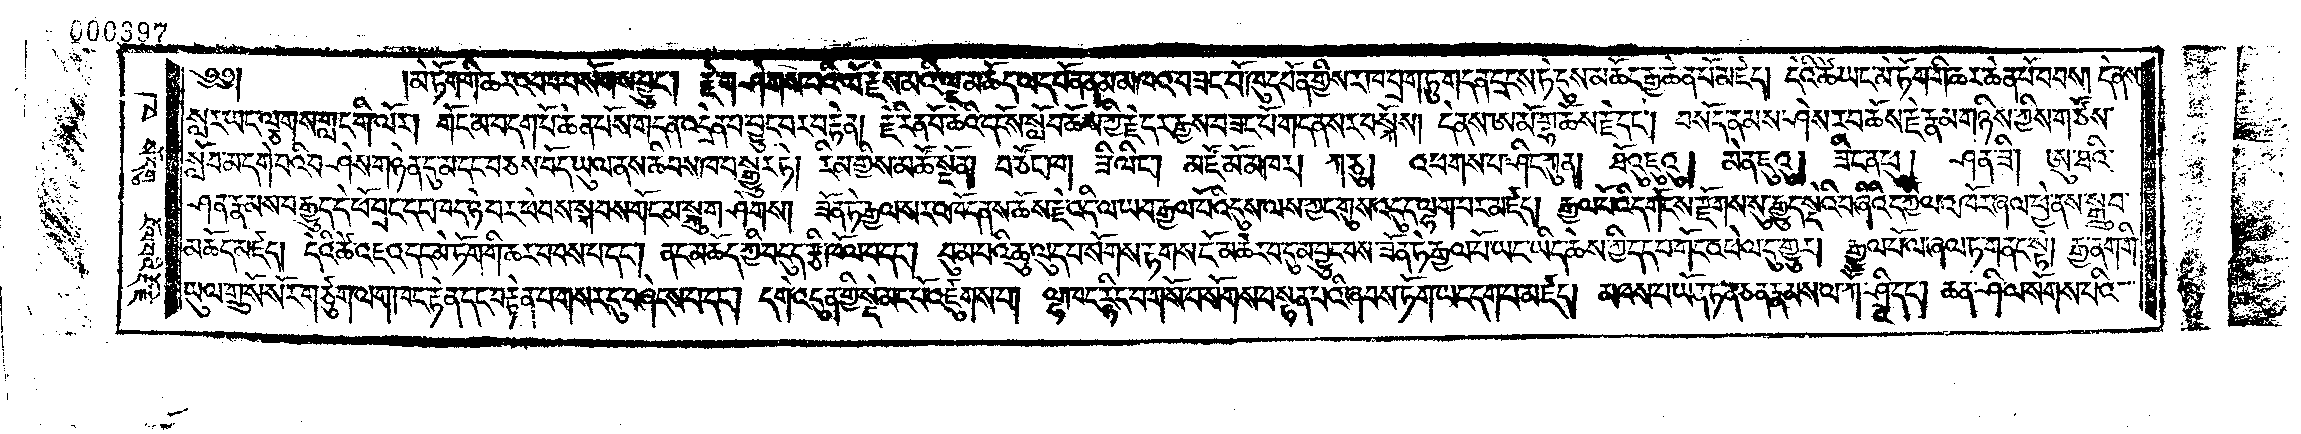༄༅། །མེ་ཏོག་གི་ཆར་འབབ་པ་སོགས་བྱུང་། རྗེ་གཤེགས་པའི་ལོ་རྗེས་མའི་ལྔ་མཆོད་ལ་དཔོན་ནམ་མཁའ་བཟང་པོ་ཁུ་དབོན་གྱིས་ར་ཁ་བྲག་ཏུ་གདན་དྲངས་ཏེ་དུས་མཆོད་རྒྱ་ཆེན་པོ་མཛད། དེའི་ཚེ་ཡང་མེ་ཏོག་གི་ཆར་ཆེན་པོ་བབས། དེ་ནས་
སླར་ཡང་ལྕགས་གླང་གི་ལོར། གོང་མ་བདག་པོ་ཆེན་པོས་གདན་འདྲེན་པ་བྱུང་བར་བརྟེན། རྗེ་རིན་པོ་ཆེའི་དངོས་སློབ་ཆོས་ཀྱི་རྗེ་དར་རྒྱས་བཟང་པོ་གདན་སར་བསྐོས། དེ་ནས་ཨ་མོ་གྷ་ཆོས་རྗེ་དང་། བསོད་ནམས་ཤེས་རབ་ཆོས་རྗེ་རྣམ་གཉིས་ཀྱིས་གཙོས་
སློབ་མ་དགེ་བའི་བཤེས་གཉེན་དུ་མ་དང་བཅས་བོད་ཡུལ་ནས་ཆིབས་ཁ་བསྒྱུར་ཏེ། རིམ་གྱིས་མཚོ་སྔོན། བཙོང་ཁ། ཟི་ལིང་། མཛོ་མོ་མཁར། ཀ་ཅུ། འཕགས་པ་ཤིང་ཀུན། ཐོའུ་ཇུའུ། མེན་ཇུའུ། ཟི་ངན་ཕུལ། ཤན་ཟི། ཨུ་ཐའི་
ཤན་རྣམས་བརྒྱུད་དེ་ཕོ་བྲང་དང་ཁད་ཉེ་བར་ཕེབས་སྐབས་གོང་མ་སྐུ་གཤེགས། ཟོན་ཏེ་རྒྱལ་སར་འཁོད་ནས་ཆོས་རྗེ་འདི་ལ་ཡབ་རྒྱལ་བོའི་དུས་ལས་ཀྱང་གུས་འདུད་ལྷག་བར་མཛད། རྒྱལ་བོའི་དགོངས་རྫོགས་སུ་རྒྱུད་སྡེའི་བཞིའི་དཀྱིལ་འཁོར་ཞལ་ཕྱེ་ནས་སྒྲུབ་
མཆོད་མཛད། དེའི་ཚེ་འཇའ་དང་མེ་ཏོག་གི་ཆར་བབས་པ་དང་། ནང་མཆོད་ཀྱི་བདུད་རྩི་ཁོལ་བ་དང་། བུམ་པའི་ཆུ་ལུད་བ་སོགས་རྟགས་ངོ་མཚར་བ་དུ་མ་བྱུང་བས་ཟོན་ཏེ་རྒྱལ་པོ་ཡང་ཡིད་ཆེས་ཀྱི་དད་པ་གོང་འཕེལ་དུ་གྱུར། རྒྱལ་པོ་ལ་ཞལ་ཏ་གནང་སྟེ། རྒྱ་ནག་གི་
ཡུལ་གྲུ་སོ་སོར་གཙུག་ལག་ཁང་རྟེན་དང་བརྟེན་པ་གསར་དུ་བཞེངས་པ་དང་། དགེ་འདུན་གྱི་སྡེ་མང་པོ་འཛུགས་པ། ལྷ་ཁང་རྙིང་བ་གསོ་བ་སོགས་བསྟན་པའི་ཞབས་ཏོག་ཡང་དག་པ་མཛད། མཁས་པ་ཡོན་ཏན་ཅན་རྣམས་ལ་ཀཽ་ཤྲཱི་དང་། ཆན་ཤི་ལ་སོགས་པའི་